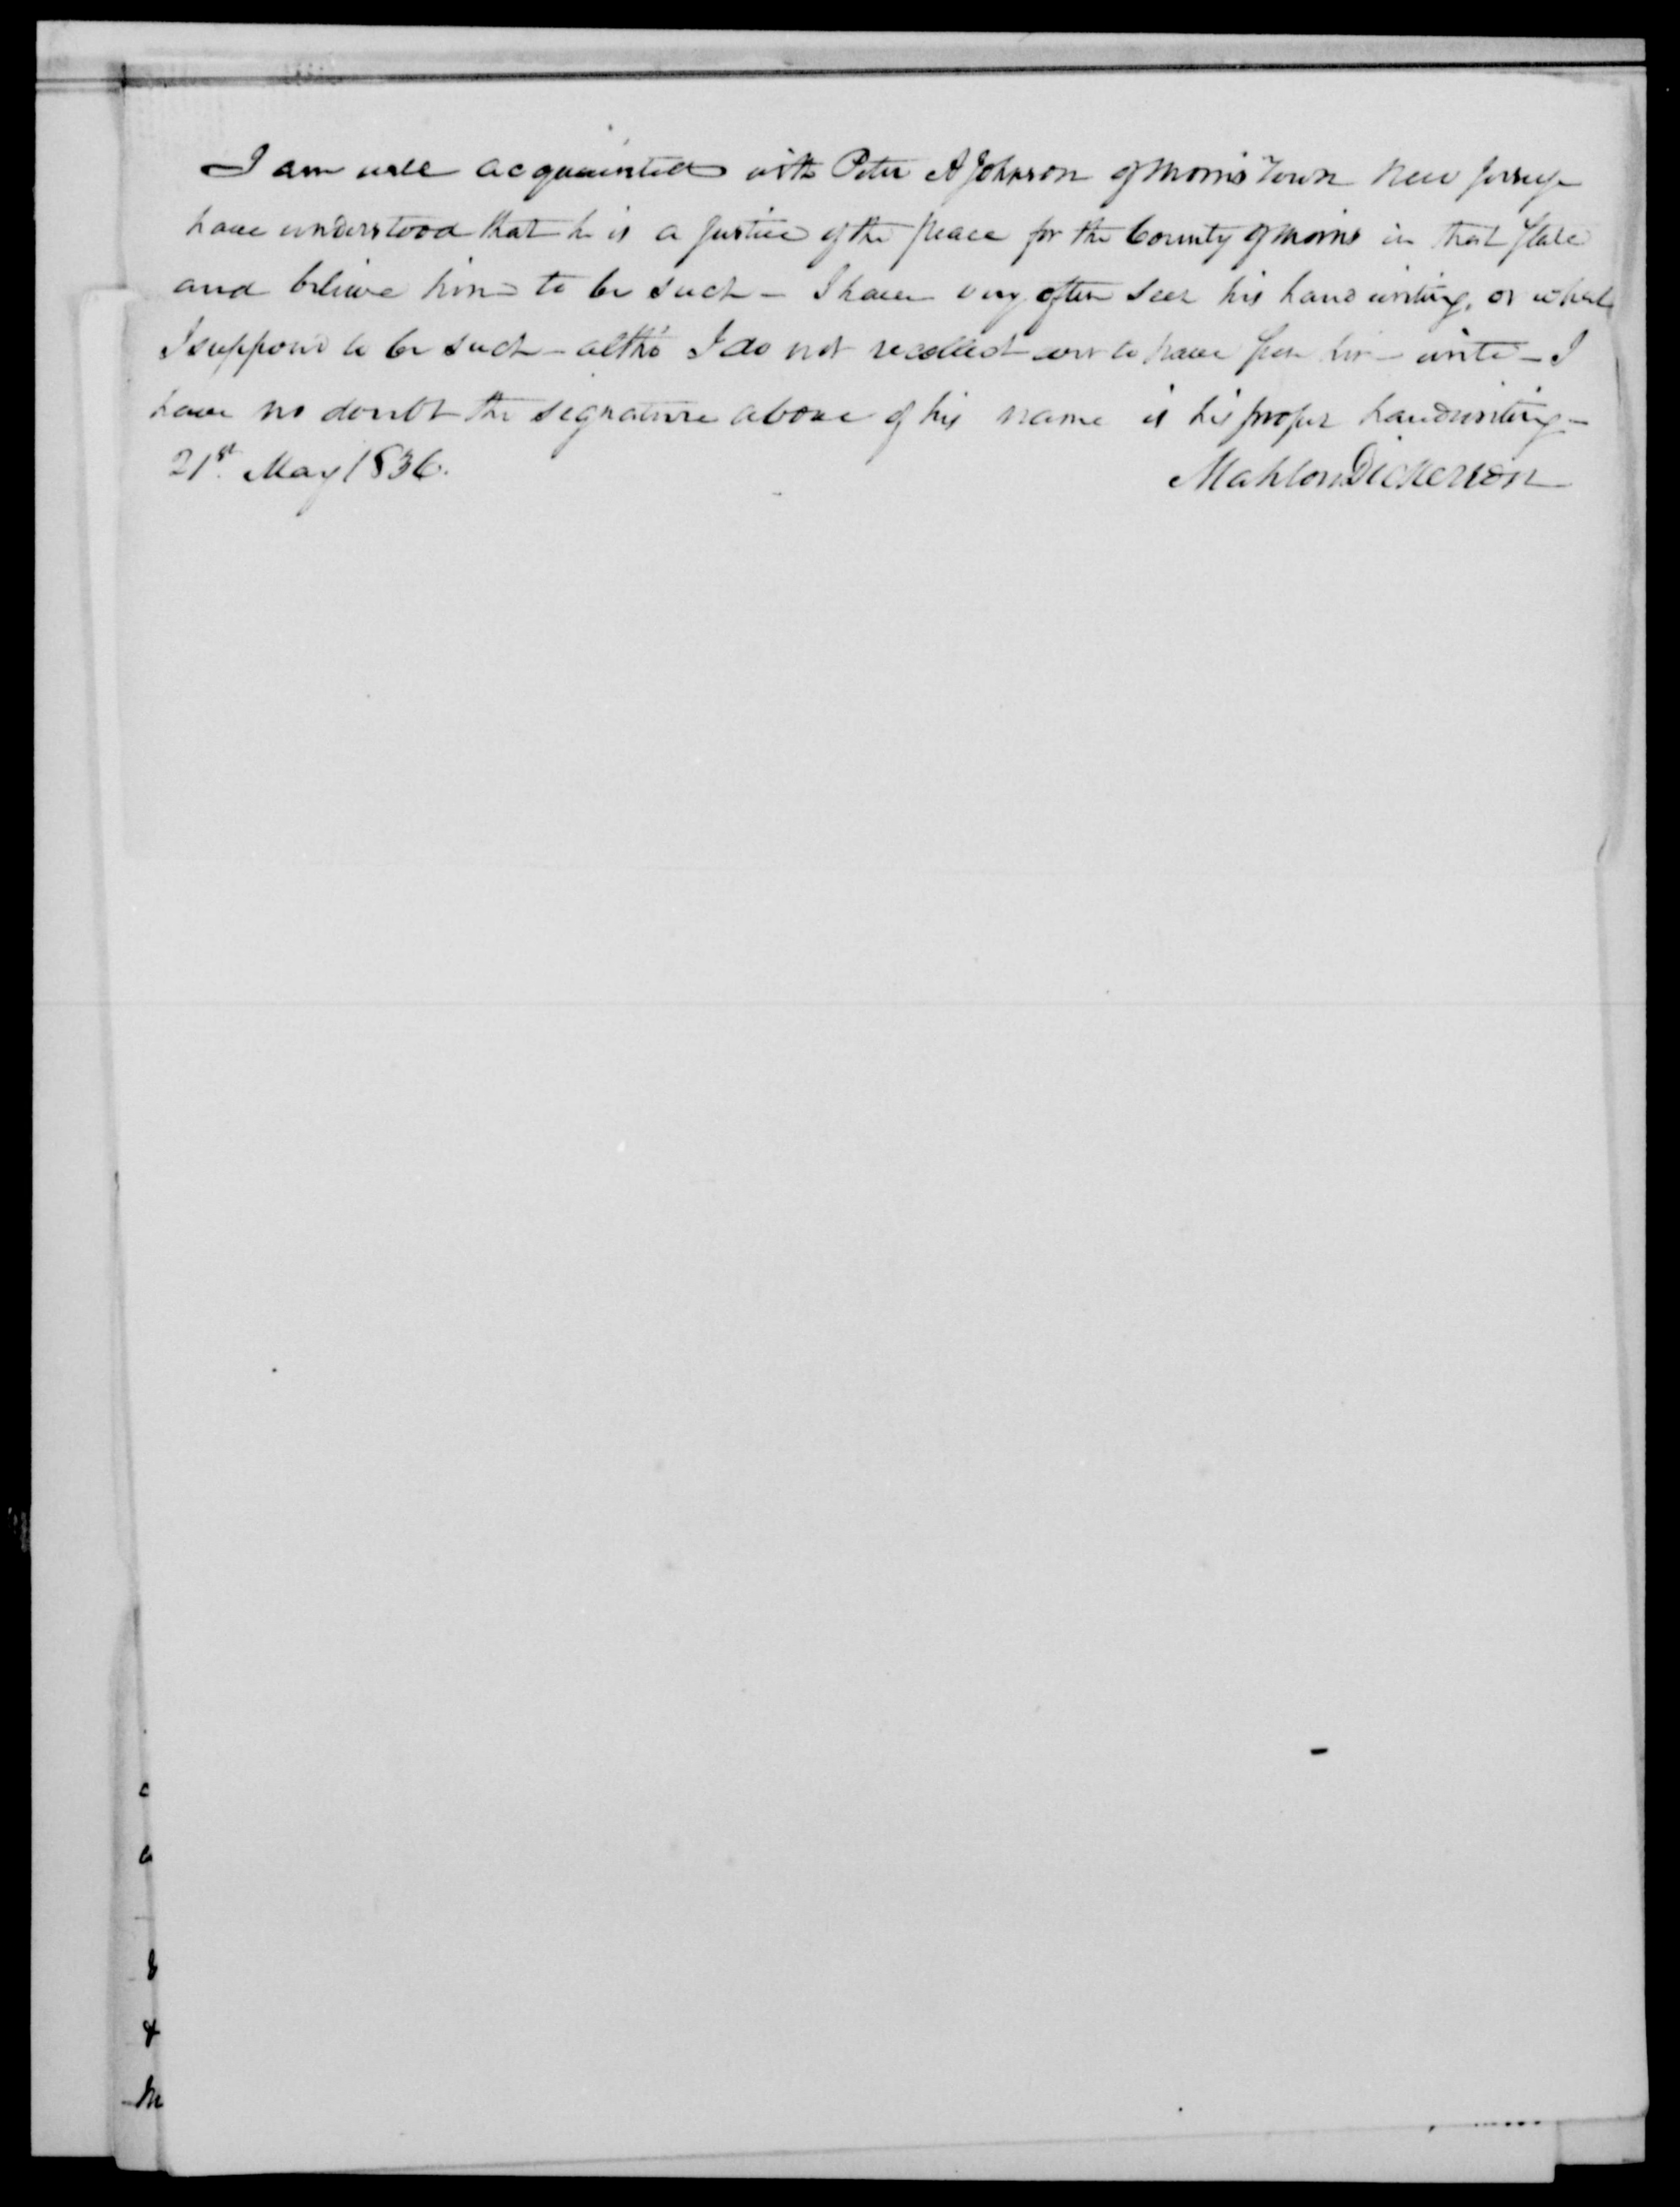I am well acquainted with Peter A .Johnson of Morris Town New Jersey - have understood that he is a Justice of the peace for the County of Maine in that State and believe him to be such-- I have very often seen his hand writing, or what
I supposed to be such-- altho' I do not recollect ever to have seen him write - I have no doubt the signature above of his name is his proper handwriting-
21st May 1836
Mahlon Dickerson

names: Peter A Johnson; Mahlon Dickerson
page: 34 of 44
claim: survivor's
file: S. 912, for Samuel Shipman, New Jersey